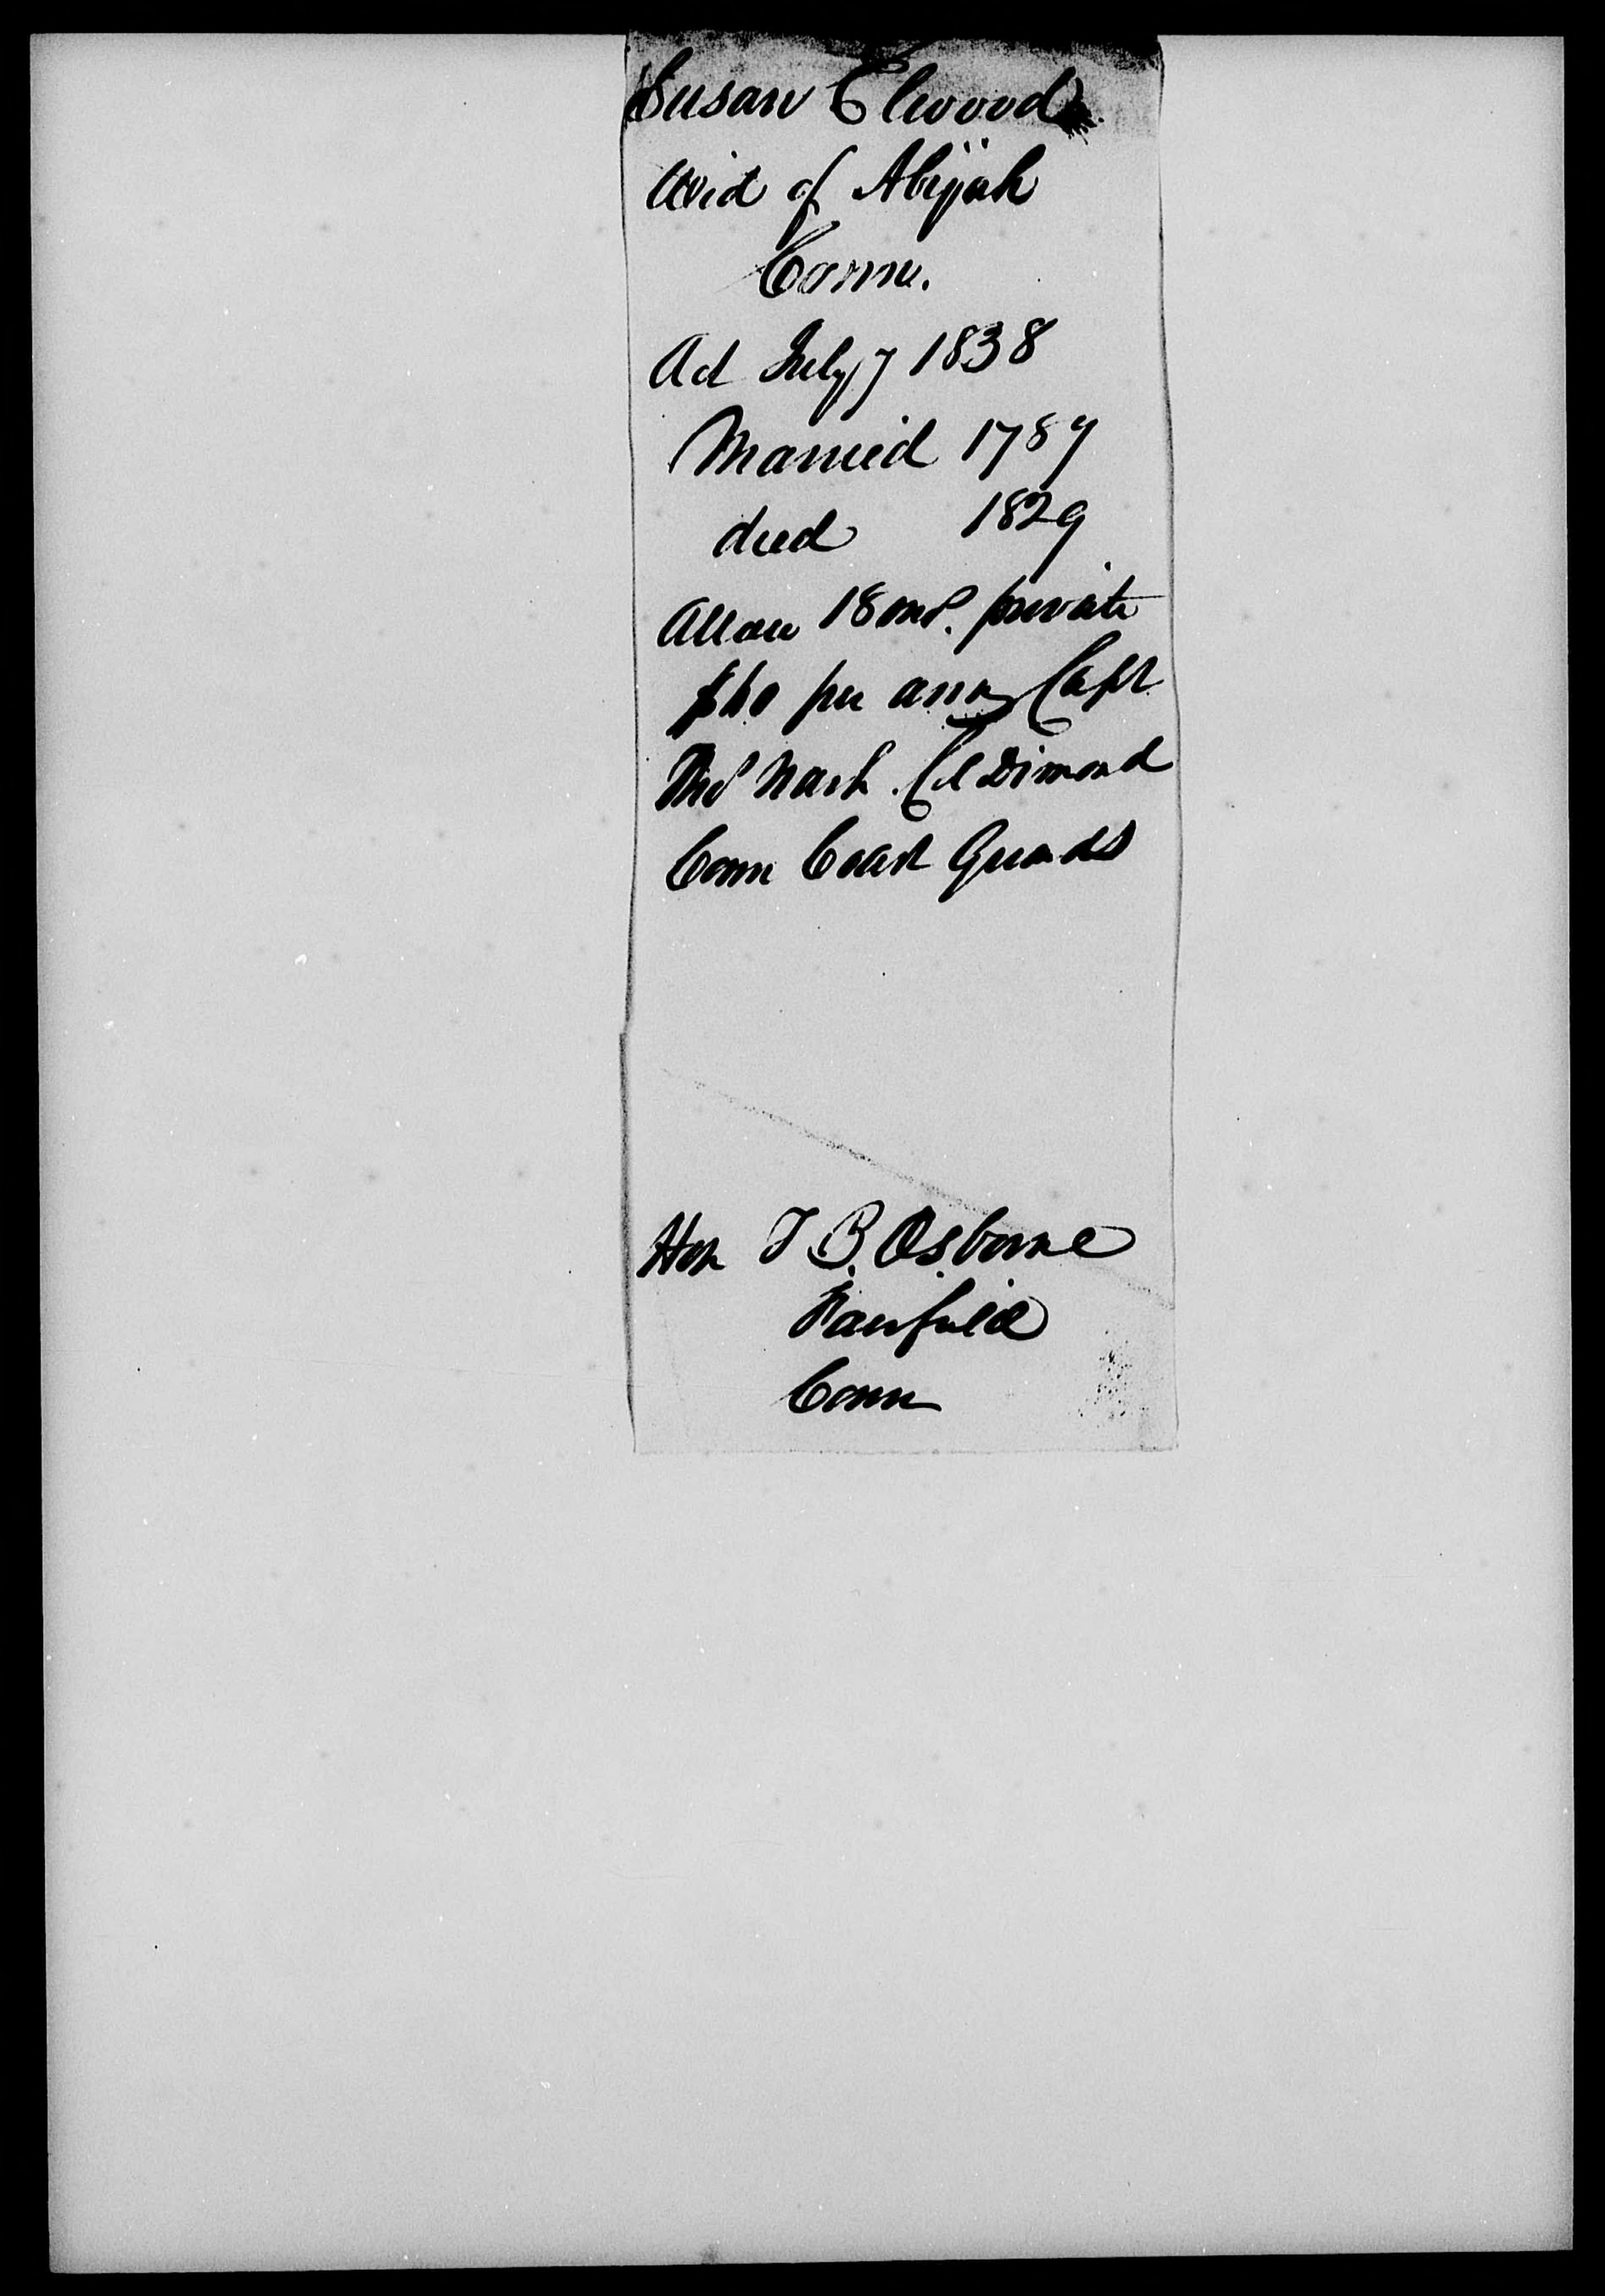Susan Elwood 
wid of Abijah
Conn.
ad July 7 1838 married 1789
died 1829

Allow 18 MP private $60 per annum Capt. Tho Nash [unk] Com coast guards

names: Abijah Elwood, T B Osborne, Susan Elwood, Thos Nash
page: 47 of 69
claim: widow's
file: W. 25562, Abijah Elwood, Conn.